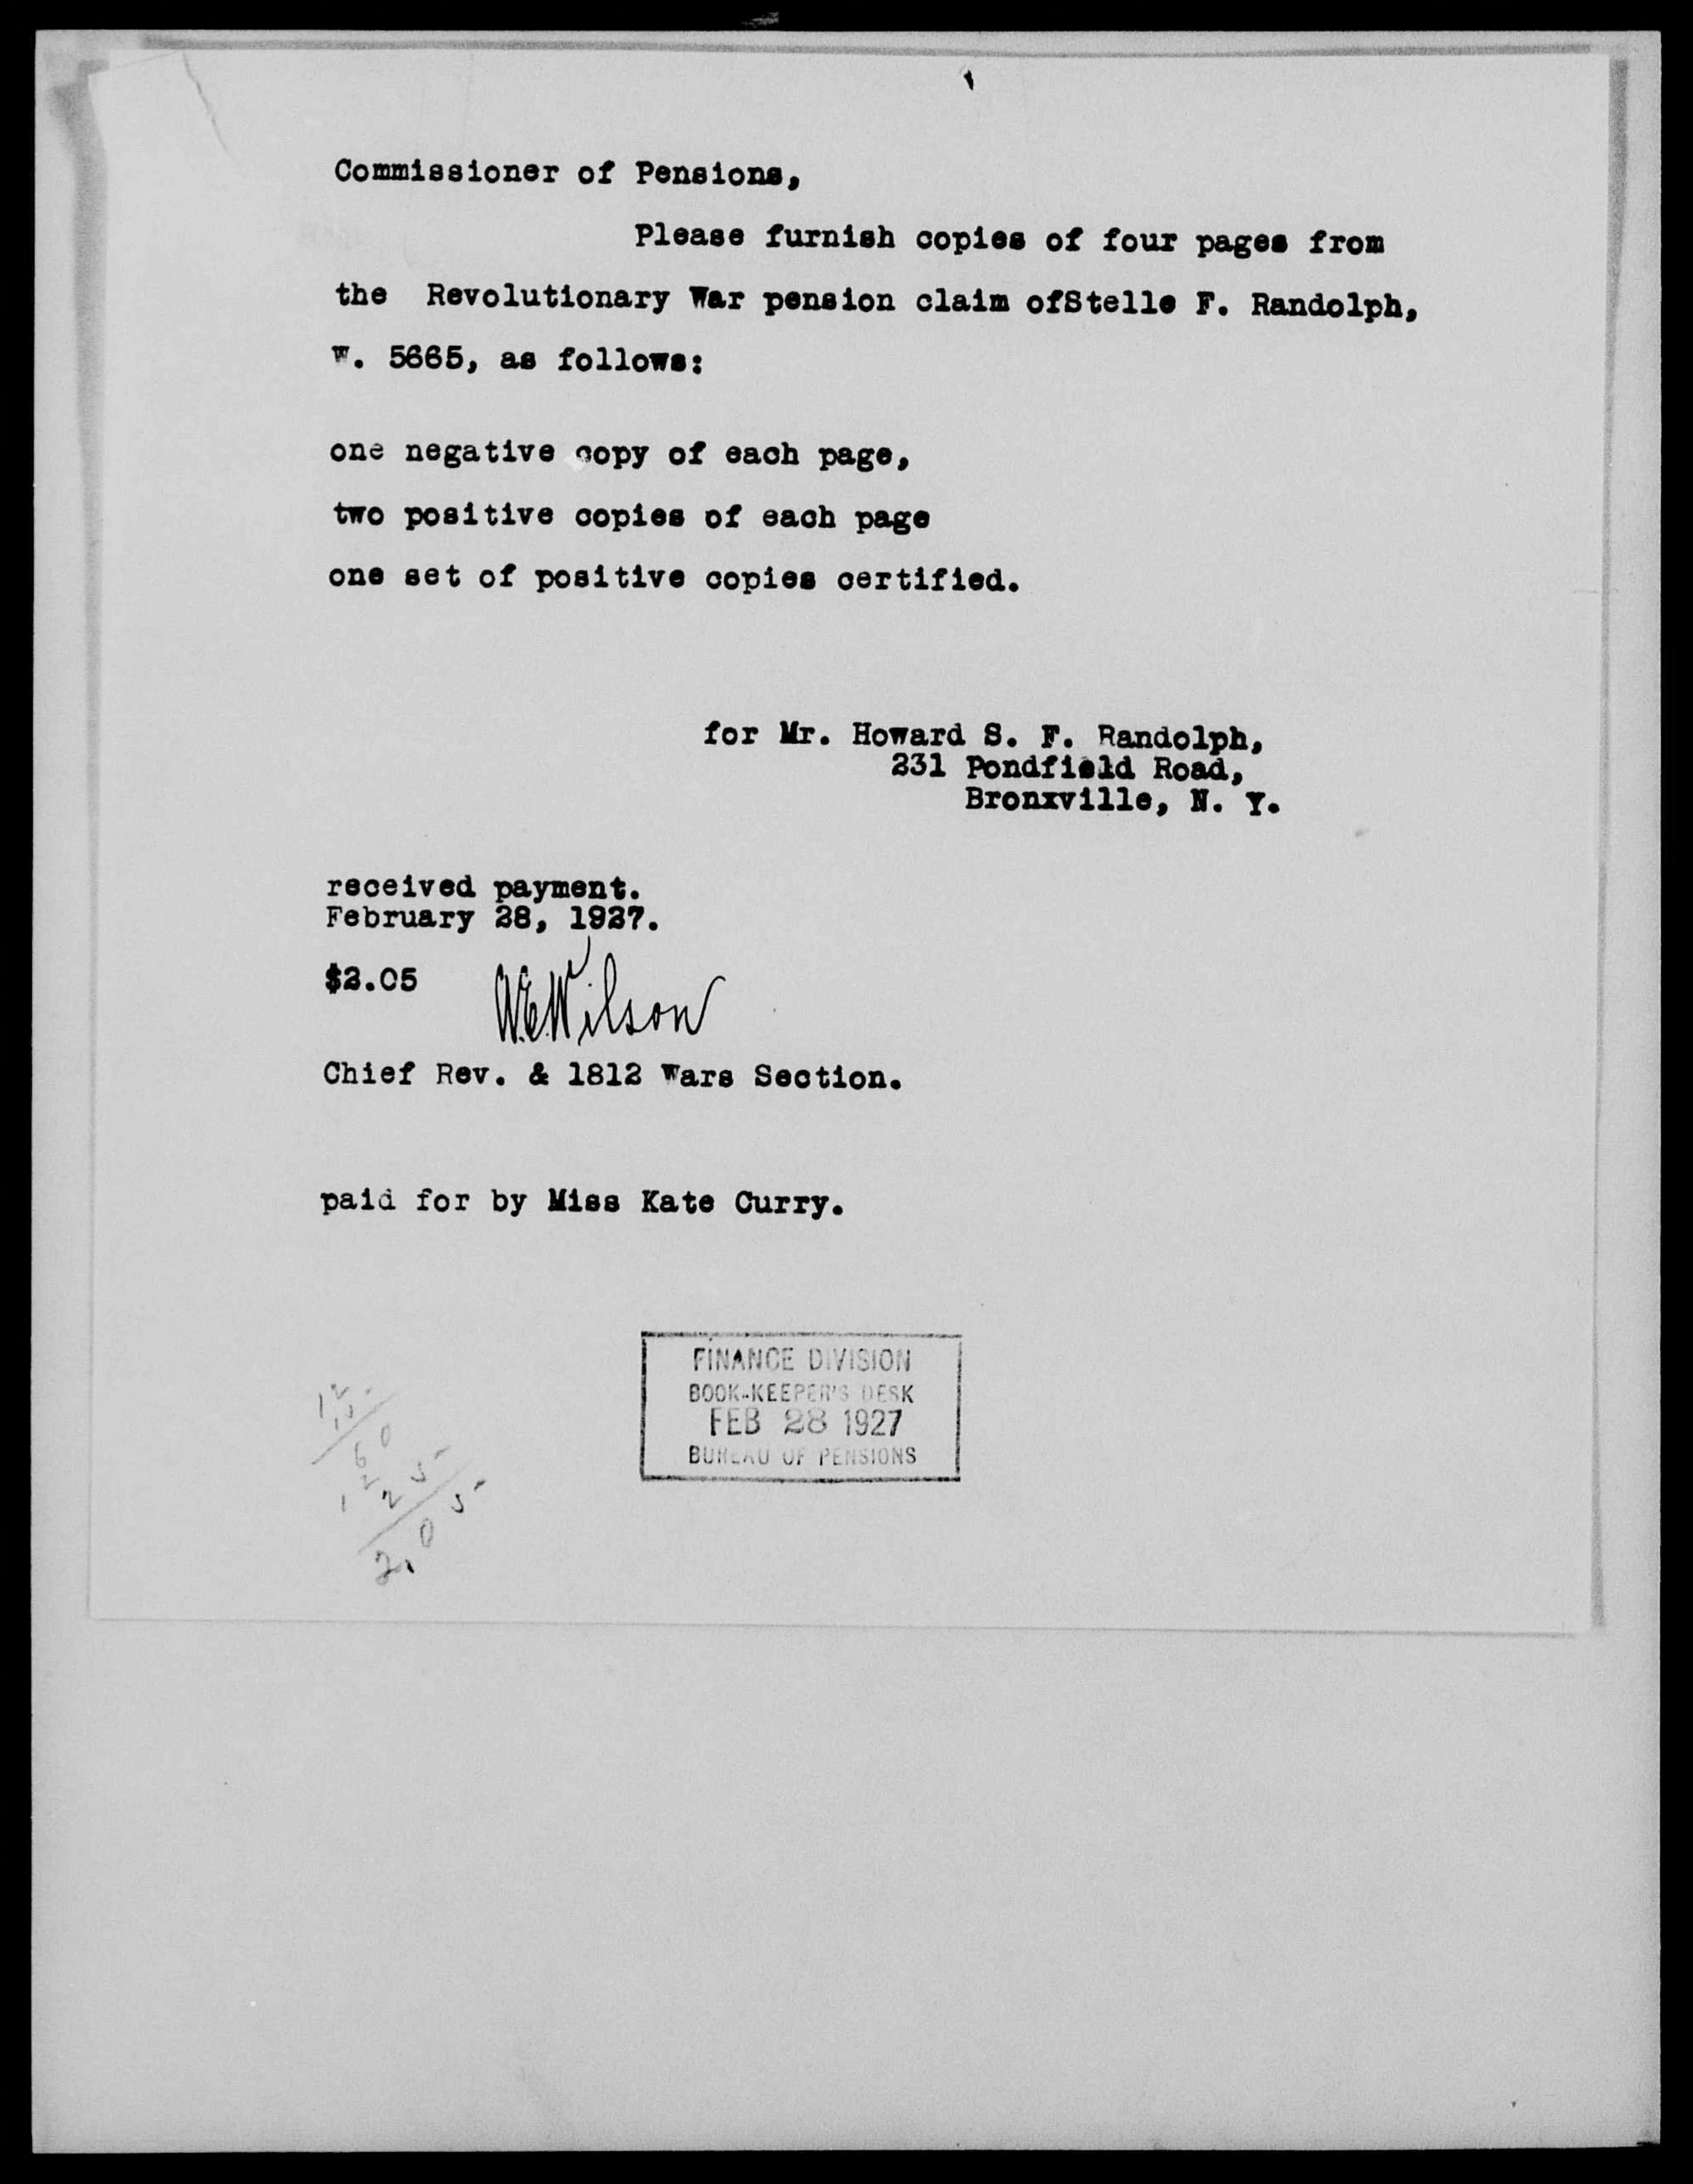Commissioner of Pensions,
Please furnish copies of four pages from the Revolutionary War pension claim of Stelle F. Randolph, W. 5665, as follows: one negative copy of each page, two positive copies of each page one set of positive copies certified. for Mr. Howard S. F. Randolph, 231 Pondfield Road, Bronxville, N.Y.
received payment. February 28, 1927.
$2.05 W.e.Wilson Chief Rev. & 1812 Wars Section. paid for by Miss Kate Curry.
FINANCE DIVISION BOOK-KEEPER'S DESK FEB 28 1927 BUREAU OF PENSIONS
12
15
60
12
25
2.05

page: 31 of 33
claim: widow's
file: W. 5,665, for Stelle F Randolph, New Jersey